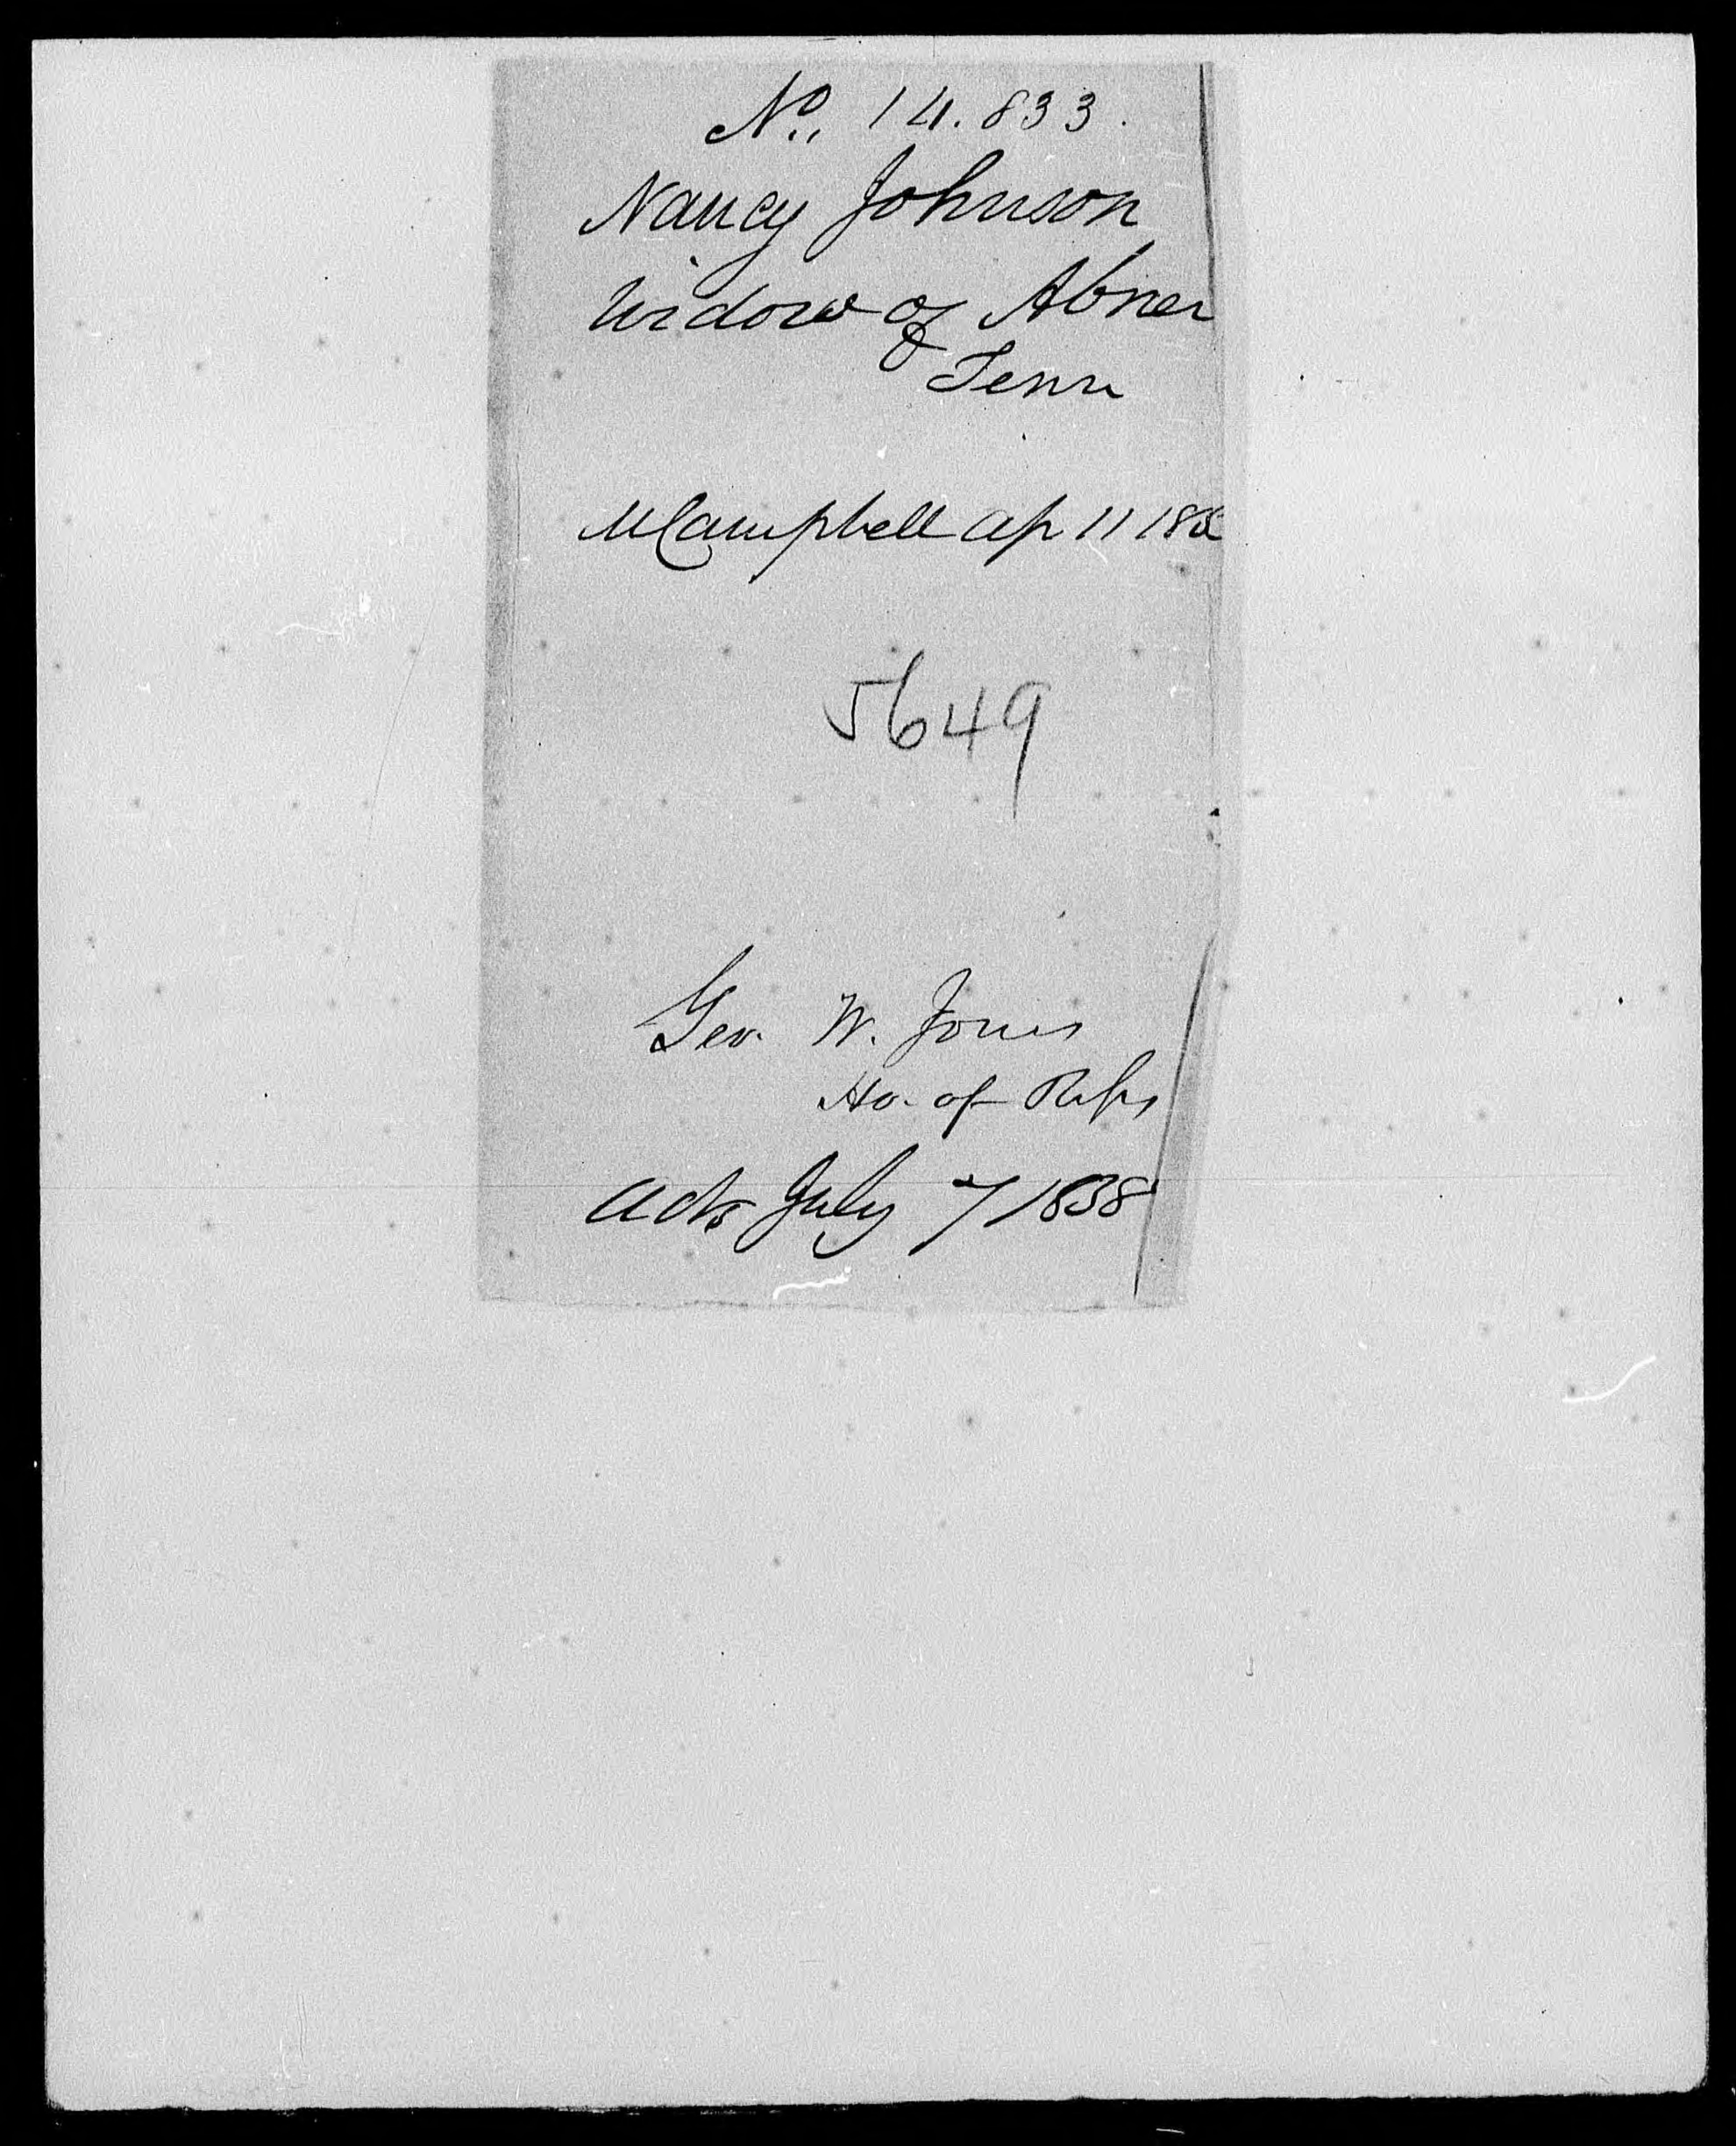No. 14.833
Nancy Johnson
widow of Abner 
Tenn
M. Campbell Ap 11 1852

5649

Geo. W. Jones
Ho of Reps
Acts July 7 1838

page: 17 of 27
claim: rejected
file: R. 5649, for Abner Johnson, North Carolina